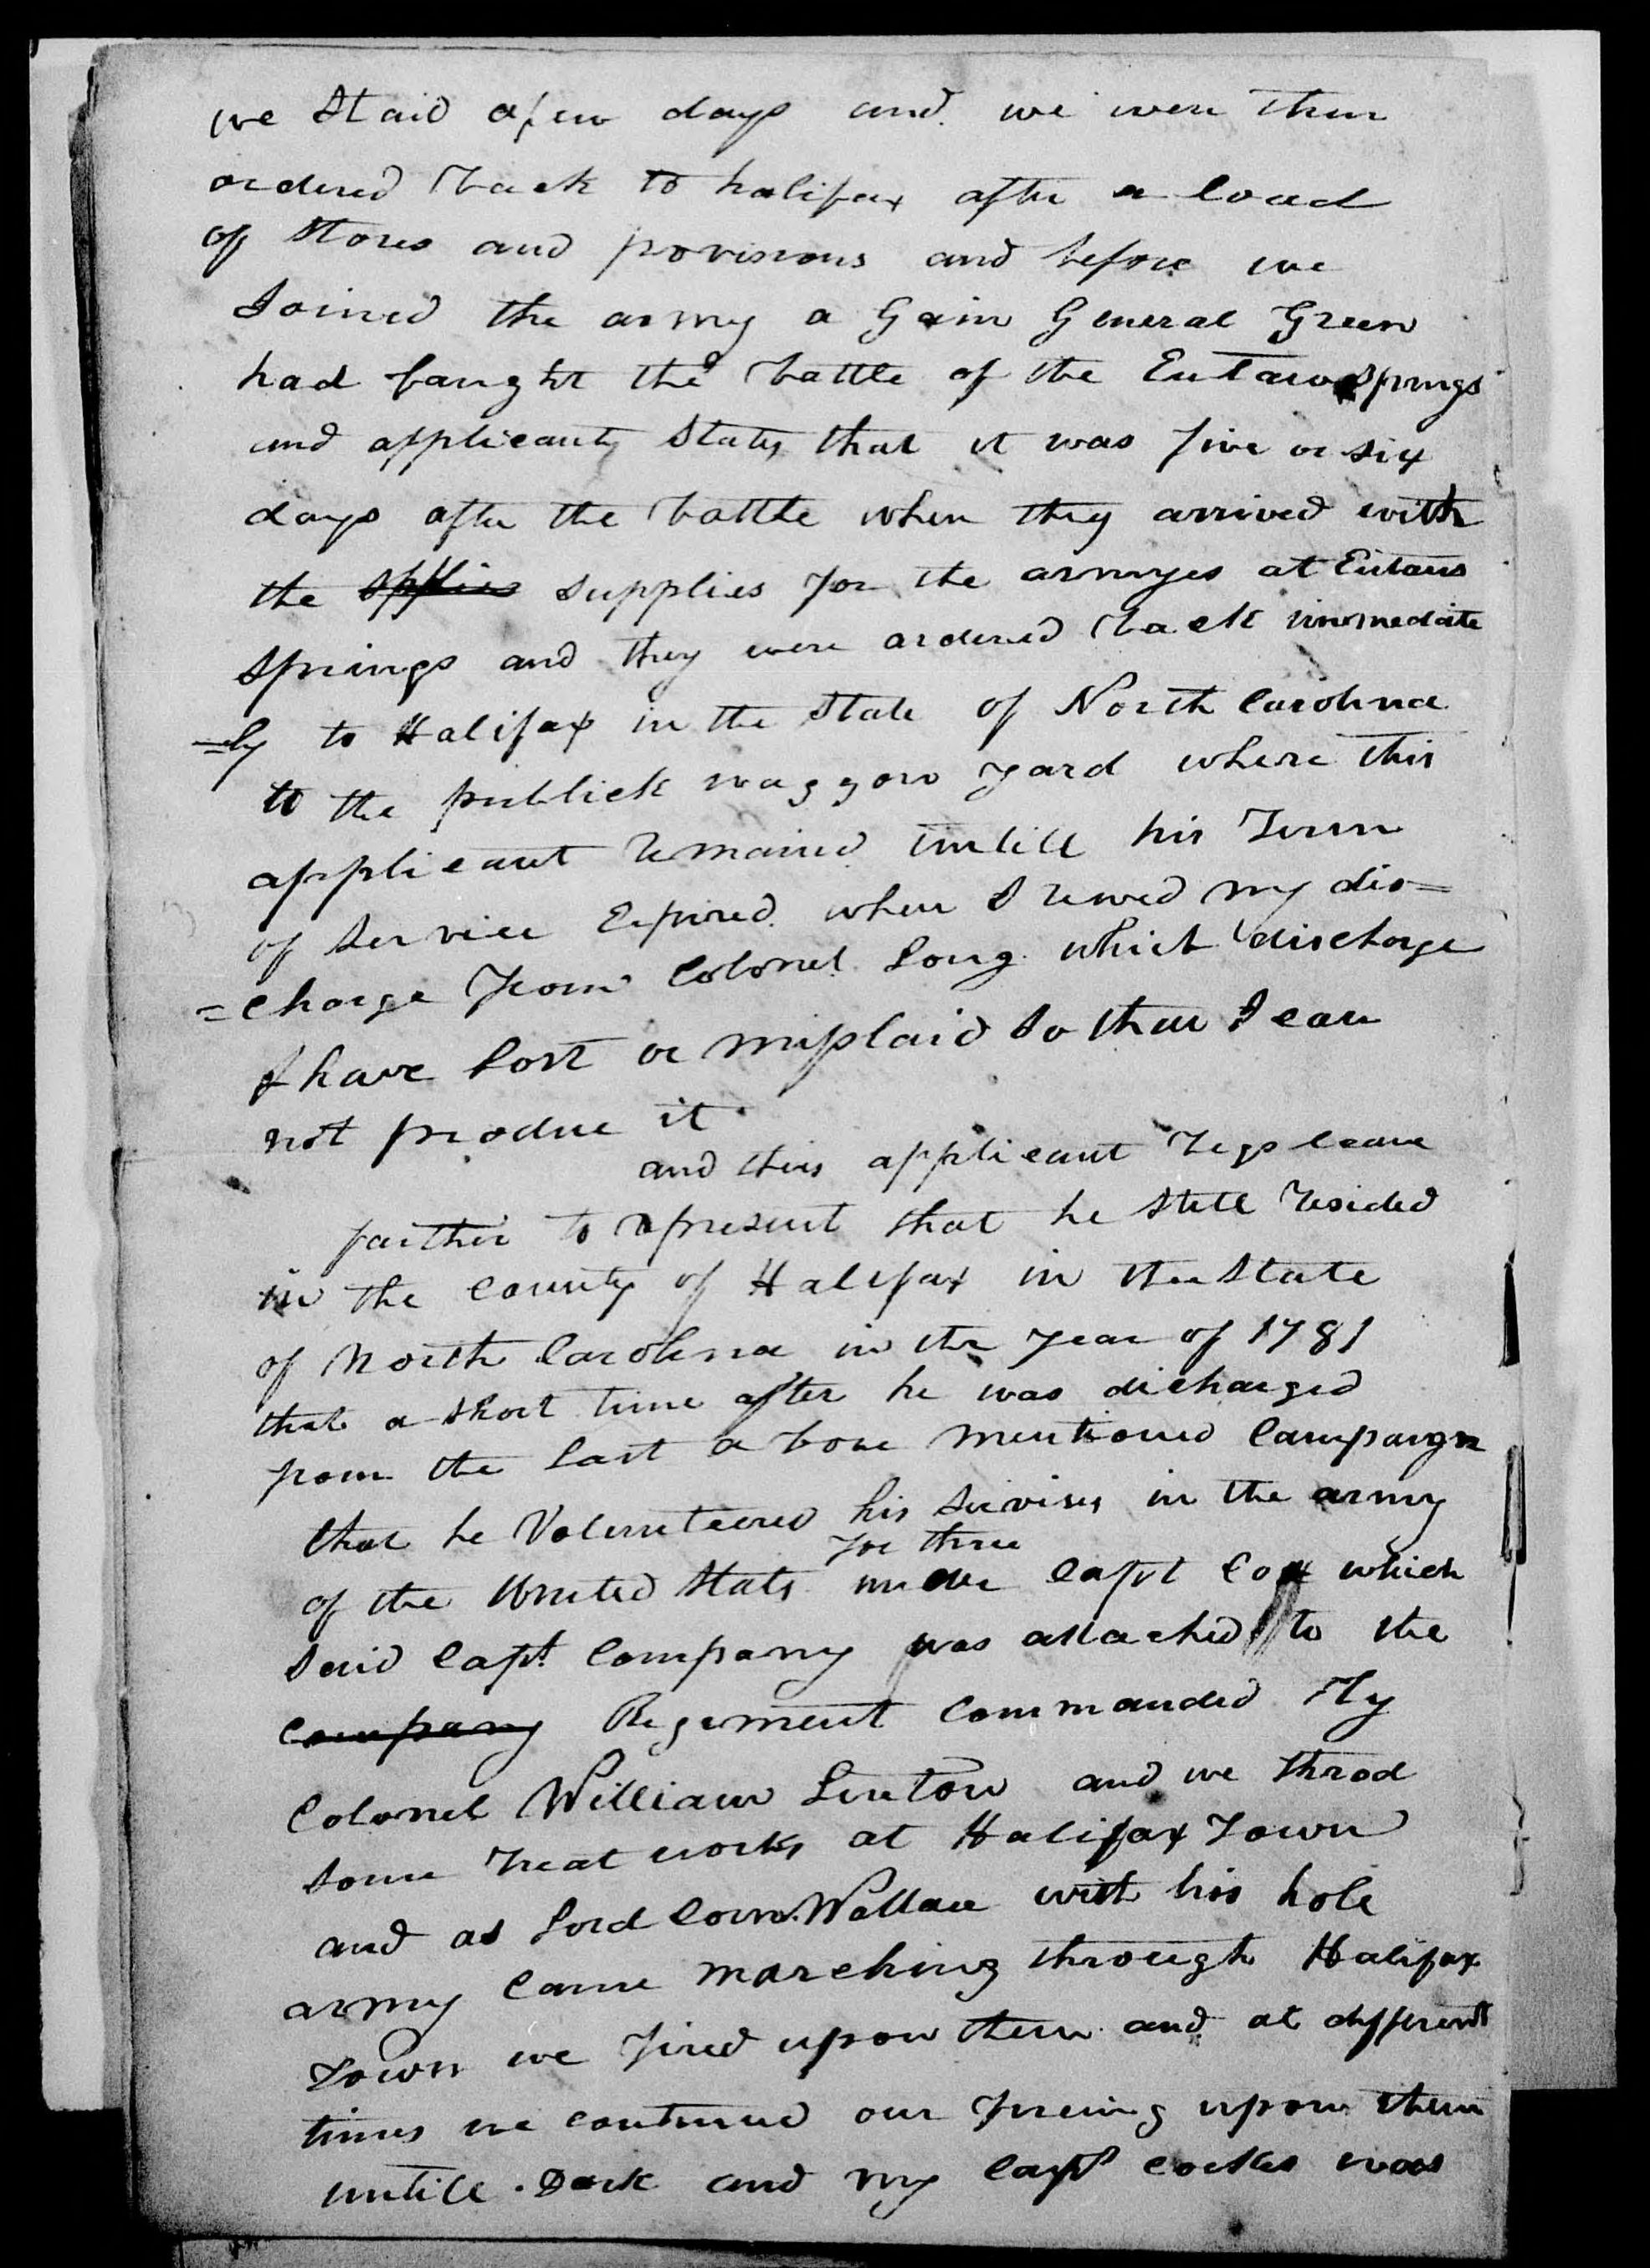we staid a few days and we were then ordered back to halifax after a load of stores and provisions and before we joined the army a Gain General Green fought the battle of the Eaton Springs and applicant states that it was five or six days after the battle when they arrived with the supplies for the armys at Eaton Springs and they were ordered back immediately to Halifax in the State of North Carolina to the publick waggon yard where this applicant remained until his turn of Service Expired when I waved my discharge from Colonel Long which discharge I have lost or mislaid so that I can not produce it and this applicant begs leave further to represent that he still resided in the county of Halifax in the State of North Carolina in the year of 1781 that a short time after he was discharged from the last above mentioned Campaign that he Volunteered his services in the army of the United States for three months [capt?] for which said [Capt.?] Company was attached to the [Company - CROSSED OUT] Regiment commanded by colonel William Lenton and we  Throd some Great works at Halifax Town and as Lord CornWallace with his hole army came marching through Halifax Town we fired upon them and at different times we continued our firing upon them until Dark and my Capt [illegible] was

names: Green, William Lenton, Long, Cock, Cornwallace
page: 6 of 81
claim: survivor's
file: S. 1908, Richard Harper, N.C.